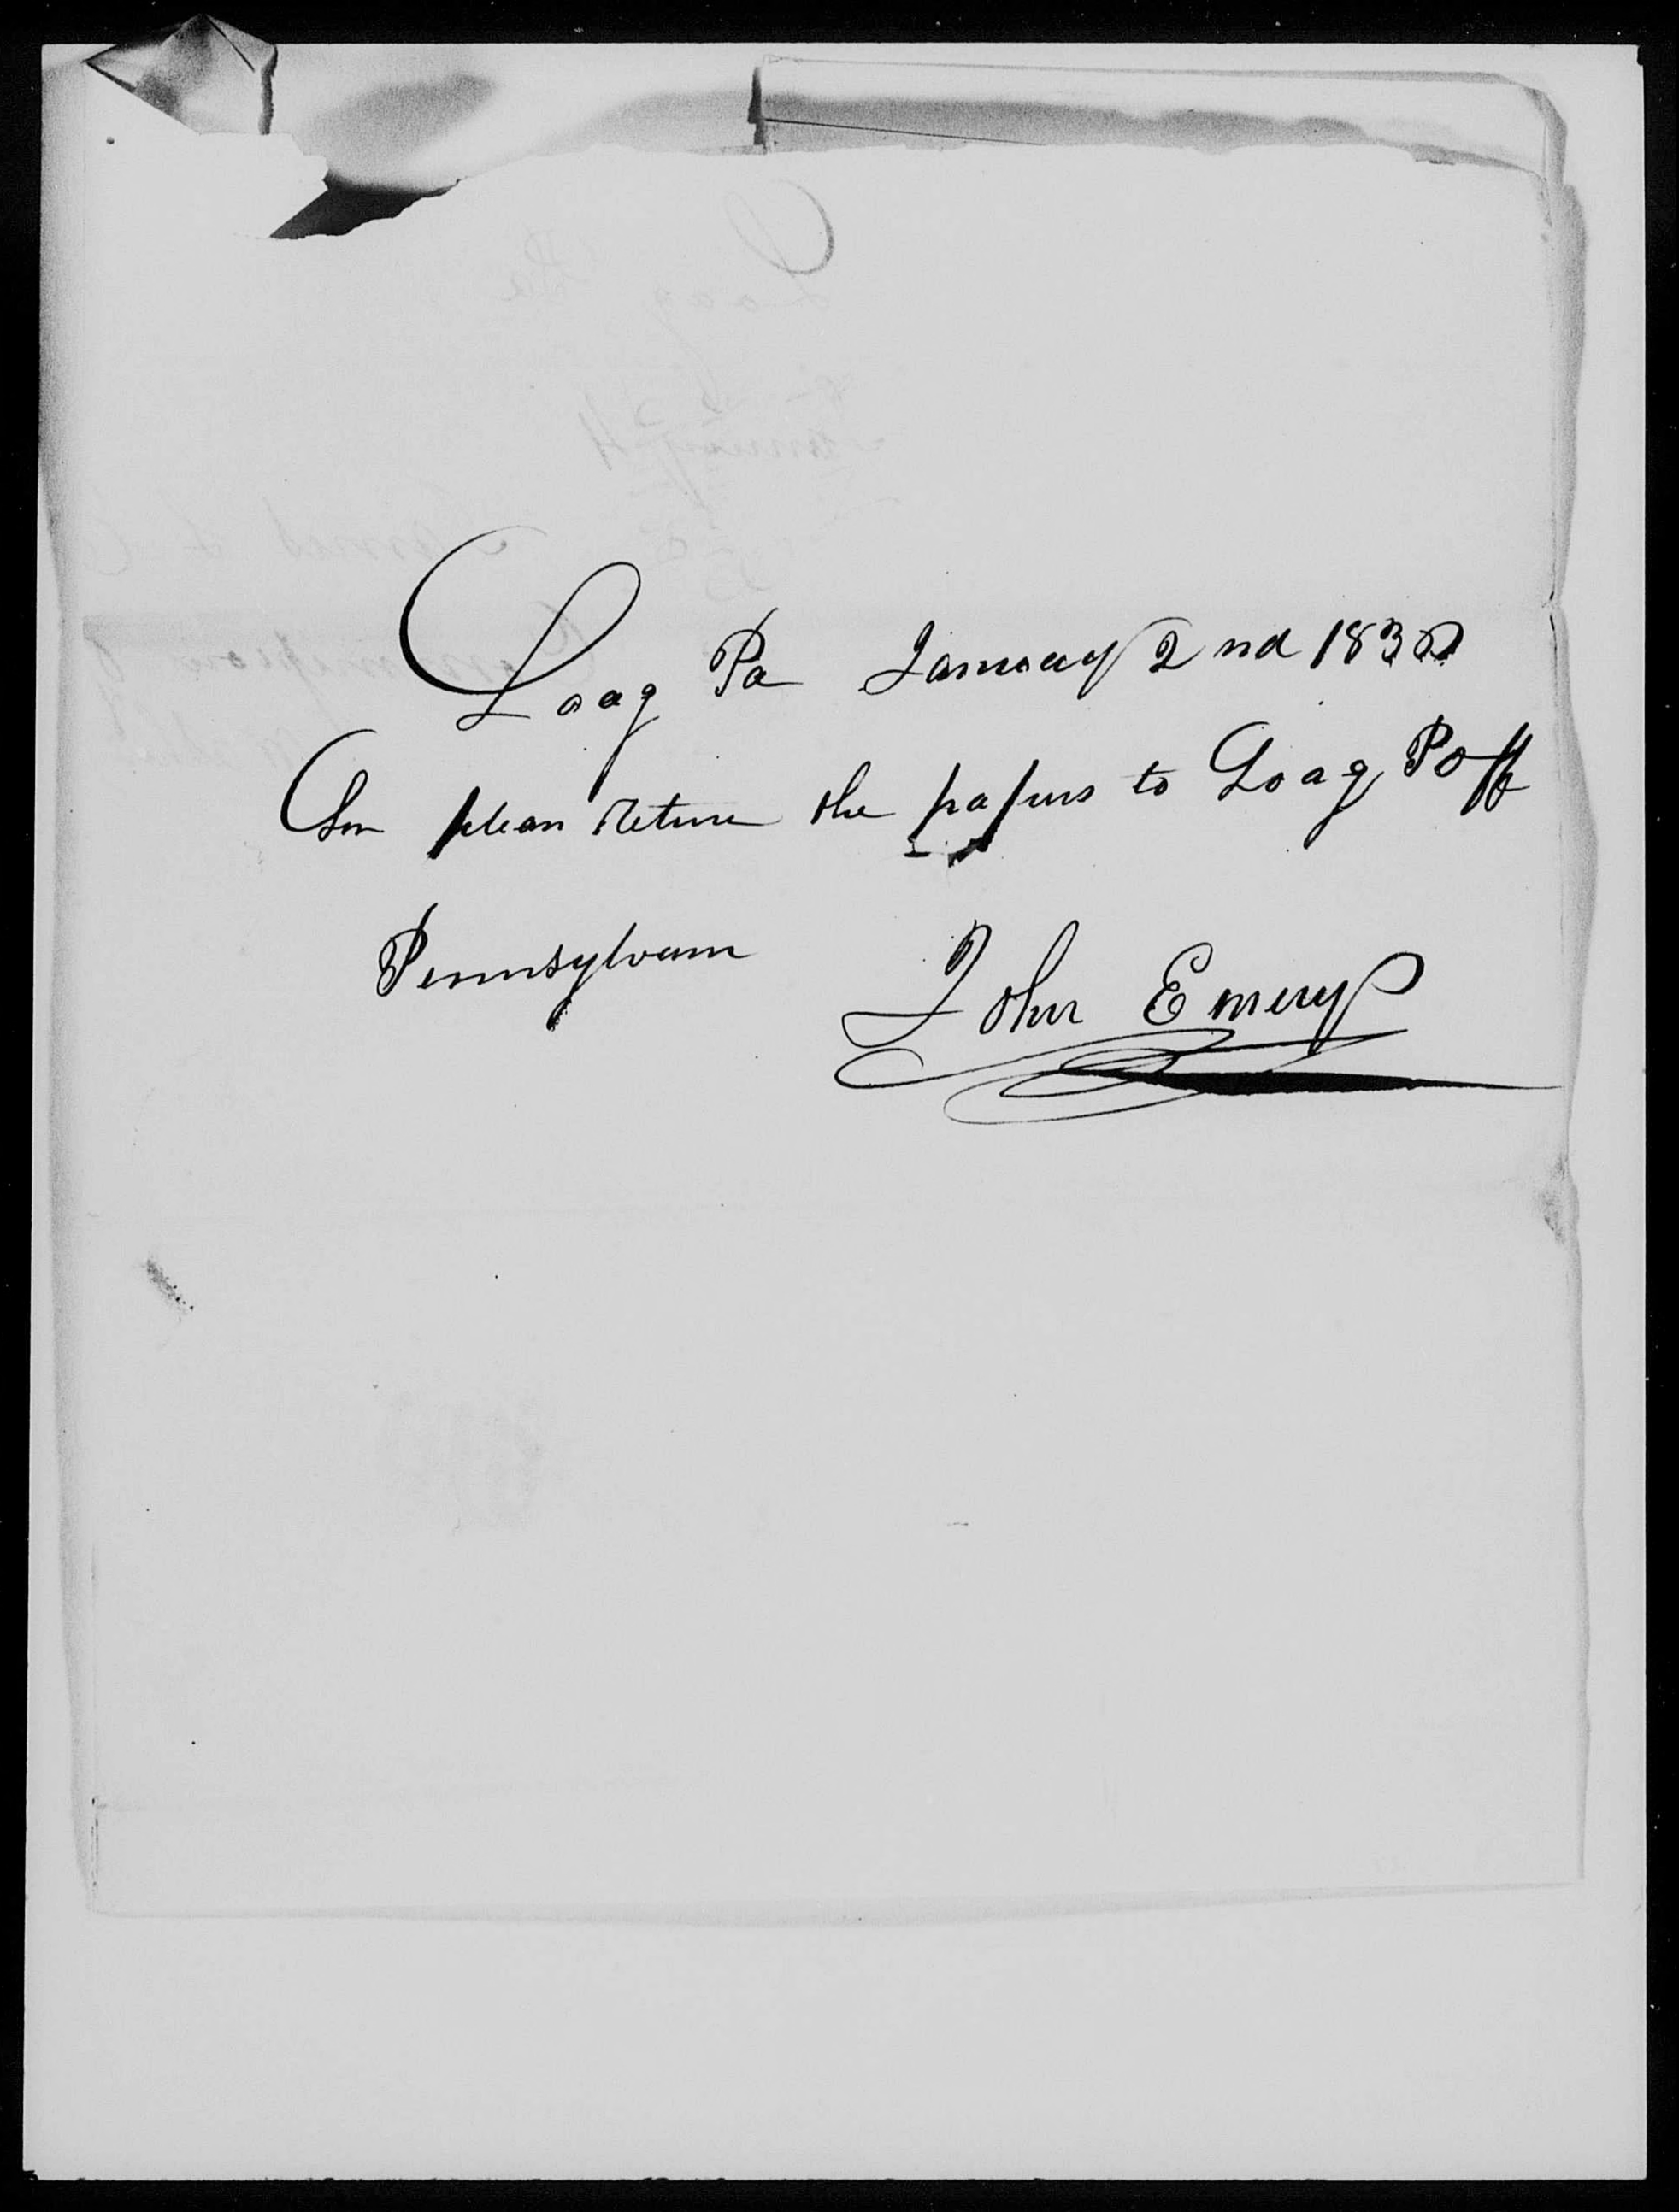Loag Pa January 2nd 1838
Sir please return the papers to Loag Poff
Pennsylvania

John Emery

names: John Emery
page: 29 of 29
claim: survivor's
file: S. 23618, Philip Emerick, Penn.